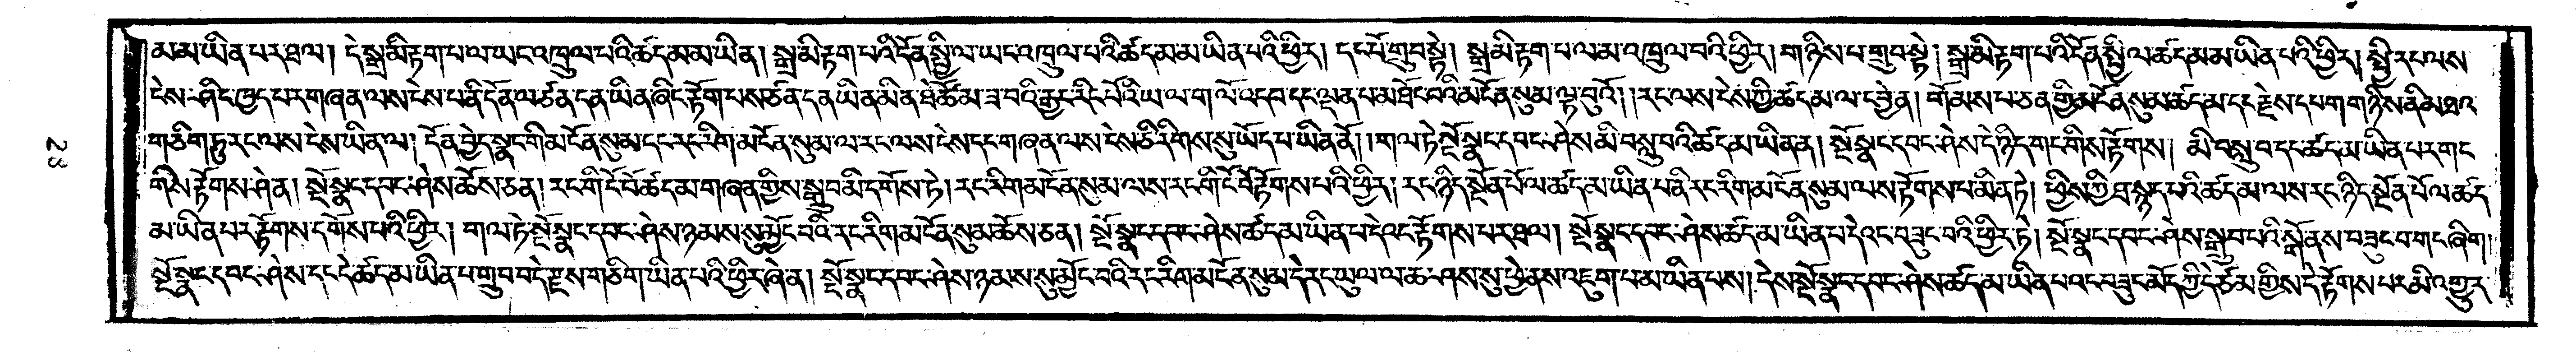མ་མ་ཡིན་པར་ཐལ། དེ་སྒྲ་མི་རྟག་པ་ལ་ཡང་འཁྲུལ་བའི་ཚད་མ་མ་ཡིན། སྒྲ་མི་རྟག་པའི་དོན་སྤྱི་ལ་ཡང་འཁྲུལ་པའི་ཚད་མ་མ་ཡིན་པའི་ཕྱིར། དང་པོ་གྲུབ་སྟེ། སྒྲ་མི་རྟག་པ་ལ་མ་འཁྲུལ་པའི་ཕྱིར། གཉིས་པ་གྲུབ་སྟེ། སྒྲ་མི་རྟག་པའི་དོན་སྤྱི་ལ་ཚད་མ་མ་ཡིན་པའི་ཕྱིར། སྤྱི་རང་ལས་
ངེས་ཤིང་ཁྱད་པར་གཞན་ལས་ངེས་པ་ནི་དོན་ལ་ཙན་དན་ཡིན་ཞིང་རྟོག་པས་ཙན་དན་ཡིན་མིན་ཐེ་ཚོམ་ཟ་བའི་རྒྱང་རིང་པོའི་ཡལ་ག་ལོ་འདབ་དང་ལྡན་པ་མཐོང་བའི་མངོན་སུམ་ལྟ་བུའོ། །རང་ལས་ངེས་ཀྱི་ཚད་མ་ལ་དབྱེ་ན། གོམས་པ་ཅན་གྱི་མངོན་སུམ་ཚད་མ་དང་རྗེས་དཔག་གཉིས་ནི་མཐའ་
གཅིག་ཏུ་རང་ལས་ངེས་ཡིན་ལ། དོན་བྱེད་སྣང་གི་མངོན་སུམ་དང་རང་རིག་མངོན་སུམ་ལ་རང་ལས་ངེས་དང་གཞན་ལས་ངེས་ཅི་རིགས་སུ་ཡོད་པ་ཡིན་ནོ། །གལ་ཏེ་སྔོ་སྣང་དབང་ཤེས་མི་བསླུ་བའི་ཚད་མ་ཡིན་ན། སྔོ་སྣང་དབང་ཤེས་དེ་ཉིད་གང་གིས་རྟོགས། མི་བསླུ་བ་དང་ཚད་མ་ཡིན་པར་གང་
གིས་རྟོགས་ཤེ་ན། སྔོ་སྣང་དབང་ཤེས་ཆོས་ཅན། རང་གི་ངོ་བོ་ཚད་མ་གཞན་གྱིས་སྒྲུབ་མི་དགོས་ཏེ། རང་རིག་མངོན་སུམ་ལས་རང་གི་ངོ་བོ་རྟོགས་པའི་ཕྱིར། རང་ཉིད་སྔོན་པོ་ལ་ཚད་མ་ཡིན་པ་ནི་རང་རིག་མངོན་སུམ་ལས་རྟོགས་པ་མིན་ཏེ། ཕྱིས་ཀྱི་ཐ་སྙད་པའི་ཚད་མ་ལས་རང་ཉིད་སྔོན་པོ་ལ་ཚད་
མ་ཡིན་པར་རྟོགས་དགོས་པའི་ཕྱིར། གལ་ཏེ་སྔོ་སྣང་དབང་ཤེས་ཉམས་སུ་མྱོང་བའི་རང་རིག་མངོན་སུམ་ཆོས་ཅན། སྔོ་སྣང་དབང་ཤེས་ཚད་མ་ཡིན་པ་དེའང་རྟོགས་པར་ཐལ། སྔོ་སྣང་དབང་ཤེས་ཚད་མ་ཡིན་པ་དེའང་བཟུང་བའི་ཕྱིར་ཏེ། སྔོན་སྣང་དབང་ཤེས་སྒྲུབ་པའི་སྒོ་ནས་བཟུང་བ་གང་ཞིག།
སྔོ་སྣང་དབང་ཤེས་དང་དེ་ཚད་མ་ཡིན་པ་གྲུབ་པ་དེ་རྫས་གཅིག་ཡིན་པའི་ཕྱིར་ཞེ་ན། སྔོ་སྣང་དབང་ཤེས་ཉམས་སུ་མྱོང་བའི་རང་རིག་མངོན་སུམ་དེ་རང་ཡུལ་ལ་ཆ་ཤས་སུ་ཕྱེ་ནས་འཇུག་པ་མ་ཡིན་པས། དེས་སྔོ་སྣང་དབང་ཤེས་ཚད་མ་ཡིན་པའང་བཟུང་མོད་ཀྱི་དེ་ཙམ་གྱིས་དེ་རྟོགས་པར་མི་འགྱུར་